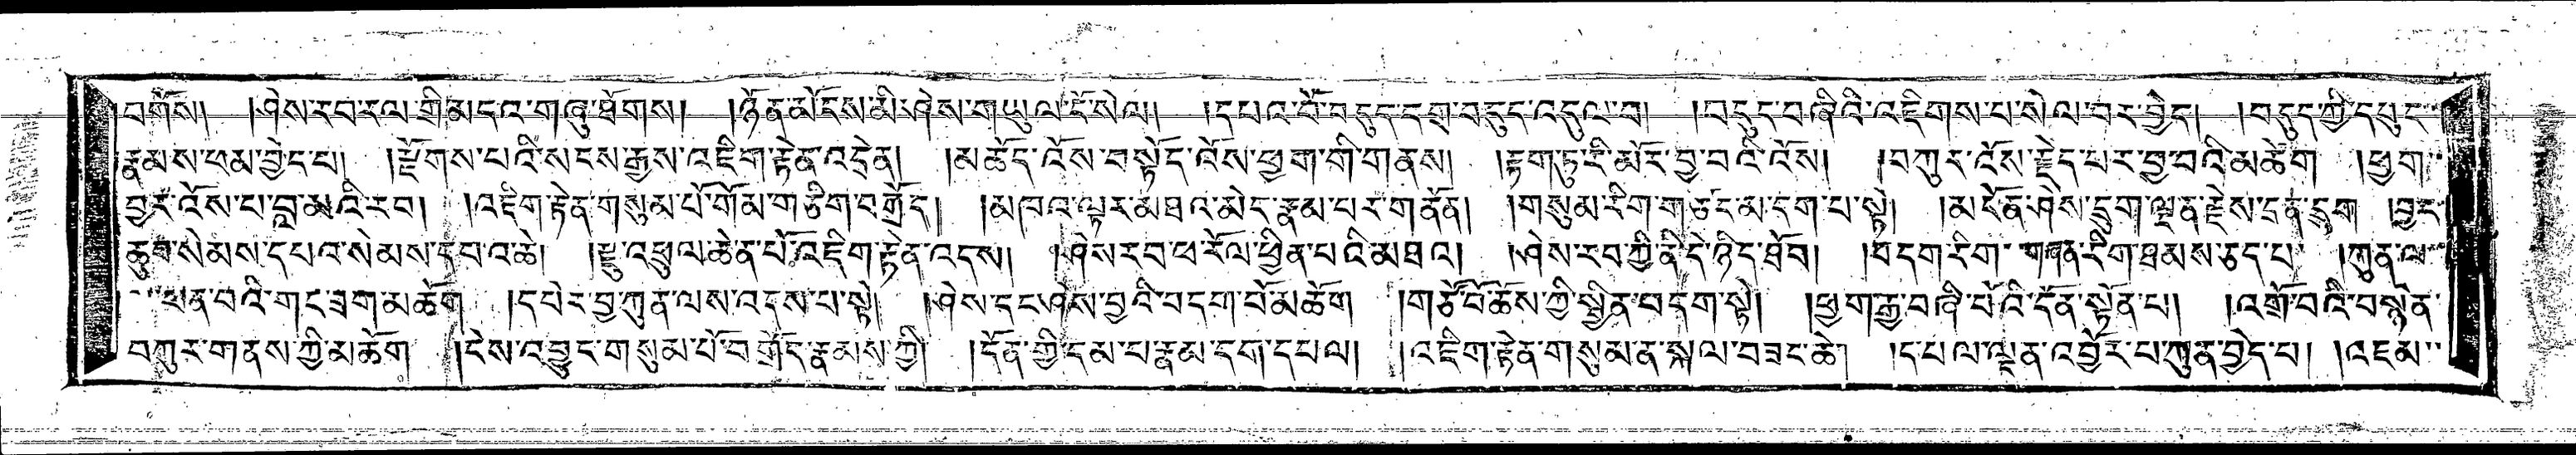བགོས། །ཤེས་རབ་རལ་གྲི་མདའ་གཞུ་ཐོགས། །ཉོན་མོངས་མི་ཤེས་གཡུལ་ངོ་སེལ། །དཔའ་བོ་བདུད་དགྲ་བདུད་འདུལ་བ། །བདུད་བཞིའི་འཇིགས་པ་སེལ་བར་བྱེད། །བདུད་ཀྱི་དཔུང་
རྣམས་ཕམ་བྱེད་པ། །རྫོགས་པའི་སངས་རྒྱས་འཇིག་རྟེན་འདྲེན། །མཆོད་འོས་བསྟོད་འོས་ཕྱག་གི་གནས། །རྟག་ཏུ་རི་མོར་བྱ་བའི་འོས། །བཀུར་འོས་རྗེད་པར་བྱ་བའི་མཆོག །ཕྱག་
བྱར་འོས་པ་བླ་མའི་རབ། །འཇིག་རྟེན་གསུམ་པོ་གོམ་གཅིག་བགྲོད། །མཁའ་ལྟར་མཐའ་མེད་རྣམ་པར་གནོན། །གསུམ་རིག་གཙང་མ་དག་པ་སྟེ། །མངོན་ཤེས་དྲུག་ལྡན་རྗེས་དྲན་དྲུག །བྱང་
ཆུབ་སེམས་དཔའ་སེམས་དཔའ་ཆེ། །རྫུ་འཕྲུལ་ཆེན་པོ་འཇིག་རྟེན་འདས། །ཤེས་རབ་ཕ་རོལ་ཕྱིན་པའི་མཐའ། །ཤེས་རབ་ཀྱི་ནི་དེ་ཉིད་ཐོབ། །བདག་རིག་གཞན་རིག་ཐམས་ཅད་པ། །ཀུན་ལ་
ཕན་པའི་གང་ཟག་མཆོག །དཔེར་བྱ་ཀུན་ལས་འདས་པ་སྟེ། །ཤེས་དང་ཤེས་བྱའི་བདག་པོ་མཆོག །གཙོ་བོ་ཆོས་ཀྱི་སྦྱིན་བདག་སྟེ། །ཕྱག་རྒྱ་བཞི་པོའི་དོན་སྟོན་པ། །འགྲོ་བའི་བསྙེན་
བཀུར་གནས་ཀྱི་མཆོག །ངེས་འབྱུང་གསུམ་པོ་བགྲོད་རྣམས་ཀྱི། །དོན་གྱི་དམ་པ་རྣམ་དག་དཔལ། །འཇིག་རྟེན་གསུམ་ན་སྐལ་བཟང་ཆེ། །དཔལ་ལྡན་འབྱོར་པ་ཀུན་བྱེད་པ། །འཇམ་